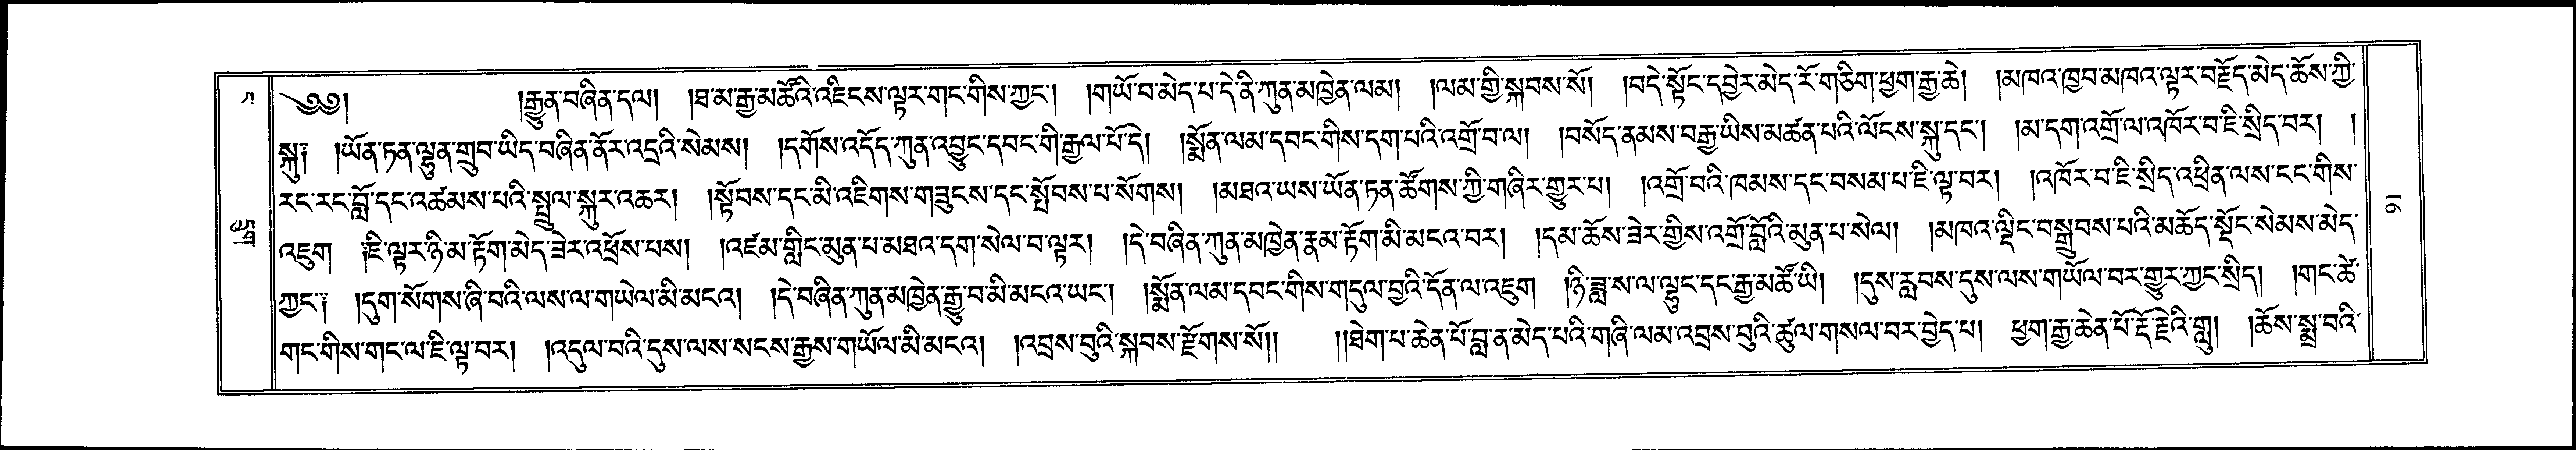༄༅། །རྒྱུན་བཞིན་དལ། །ཐ་མ་རྒྱ་མཚོའི་འཇིངས་ལྟར་གང་གིས་ཀྱང་། །གཡོ་བ་མེད་པ་དེ་ནི་ཀུན་མཁྱེན་ལམ། །ལམ་གྱི་སྐབས་སོ། །བདེ་སྟོང་དབྱེར་མེད་རོ་གཅིག་ཕྱག་རྒྱ་ཆེ། །མཁའ་ཁྱབ་མཁའ་ལྟར་བརྗོད་མེད་ཆོས་ཀྱི་
སྐུ། །ཡོན་ཏན་ལྷུན་གྲུབ་ཡིད་བཞིན་ནོར་འདྲའི་སེམས། །དགོས་འདོད་ཀུན་འབྱུང་དབང་གི་རྒྱལ་པོ་དེ། །སྨོན་ལམ་དབང་གིས་དག་པའི་འགྲོ་བ་ལ། །བསོད་ནམས་བརྒྱ་ཡིས་མཚན་པའི་ལོངས་སྐུ་དང་། །མ་དག་འགྲོ་ལ་འཁོར་བ་ཇི་སྲིད་བར། །
རང་རང་བློ་དང་འཚམས་པའི་སྤྲུལ་སྐུར་འཆར། །སྟོབས་དང་མི་འཇིགས་གཟུངས་དང་སྤོབས་པ་སོགས། །མཐའ་ཡས་ཡོན་ཏན་ཚོགས་ཀྱི་གཞིར་གྱུར་པ། །འགྲོ་བའི་ཁམས་དང་བསམ་པ་ཇི་ལྟ་བར། །འཁོར་བ་ཇི་སྲིད་འཕྲིན་ལས་ངང་གིས་
འཇུག །ཇི་ལྟར་ཉི་མ་རྟོག་མེད་ཟེར་འཕྲོས་པས། །འཛམ་གླིང་མུན་པ་མཐའ་དག་སེལ་བ་ལྟར། །དེ་བཞིན་ཀུན་མཁྱེན་རྣམ་རྟོག་མི་མངའ་བར། །དམ་ཆོས་ཟེར་གྱིས་འགྲོ་བློའི་མུན་པ་སེལ། །མཁའ་ལྡིང་བསྒྲུབས་པའི་མཆོད་སྡོང་སེམས་མེད་
ཀྱང་། །དུག་སོགས་ཞི་བའི་ལས་ལ་གཡེལ་མི་མངའ། །དེ་བཞིན་ཀུན་མཁྱེན་རྒྱུ་བ་མི་མངའ་ཡང་། །སྨོན་ལམ་དབང་གིས་གདུལ་བྱའི་དོན་ལ་འཇུག །ཉི་ཟླ་ས་ལ་ལྷུང་དང་རྒྱ་མཚོ་ཡི། །དུས་རླབས་དུས་ལས་གཡོལ་བར་གྱུར་ཀྱང་སྲིད། །གང་ཚེ་
གང་གིས་གང་ལ་ཇི་ལྟ་བར། །འདུལ་བའི་དུས་ལས་སངས་རྒྱས་གཡོལ་མི་མངའ། །འབྲས་བུའི་སྐབས་རྫོགས་སོ།། །།ཐེག་པ་ཆེན་པོ་བླ་ན་མེད་པའི་གཞི་ལམ་འབྲས་བུའི་ཚུལ་གསལ་བར་བྱེད་པ། ཕྱག་རྒྱ་ཆེན་པོ་རྡོ་རྗེའི་གླུ། །ཆོས་སྨྲ་བའི་